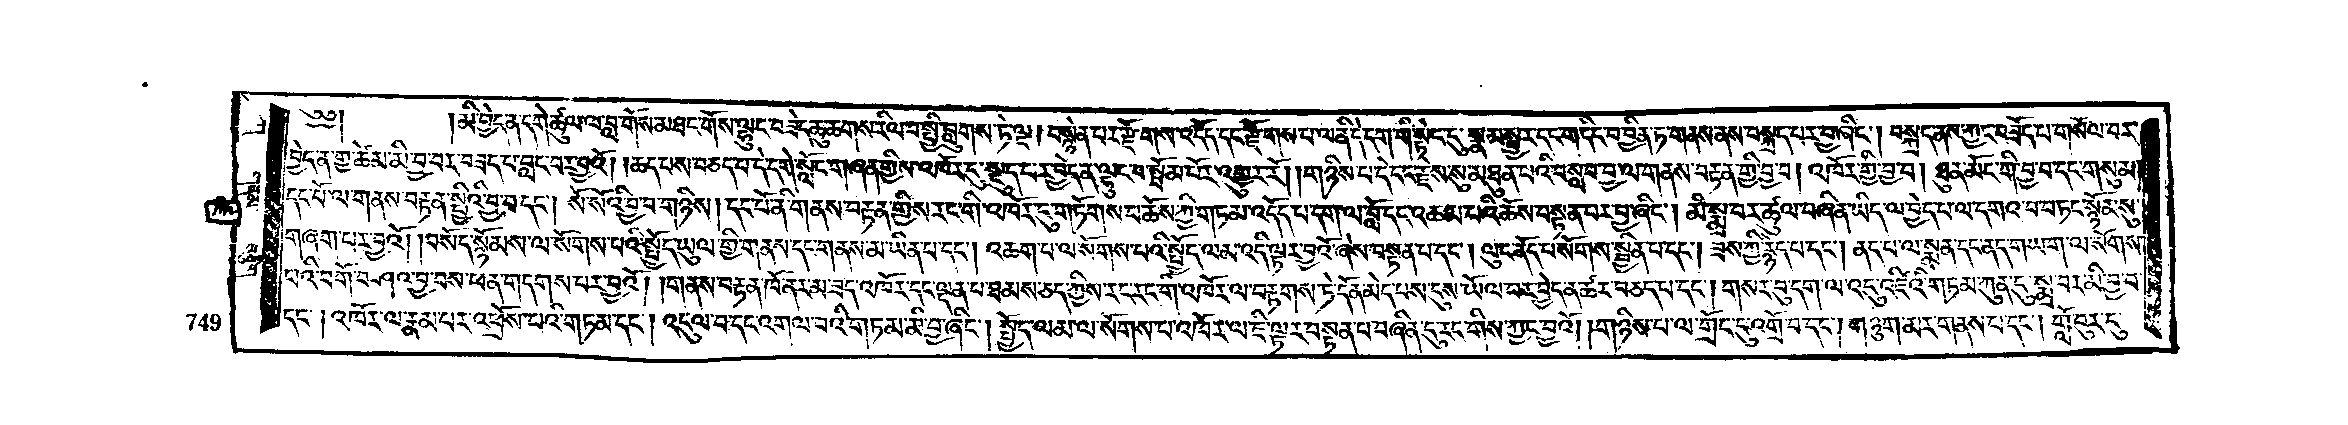༄༅། །མི་བྱེད་ན་དགེ་ཚུལ་ལ་བླ་གོས་མཐོང་གོས་ལྷུང་བཟེད་ཆུ་ཆགས་རིལ་བ་སྤྱི་བླུགས་ཏེ་ལྔ། བསྙེན་པར་རྫོགས་འདོད་དང་རྫོགས་པ་ལ་ནི་དེ་དག་གི་སྟེང་དུ་སྣམ་སྦྱར་དང་གདིང་བ་བྱིན་ཏ་གནས་ནས་བསྐྲད་པར་བྱ་ཞིང་། བསྐྲད་ནས་ཀྱང་བཟོད་པ་གསོལ་བར་
བྱེད་ན་གྱ་ཚེམ་མི་བྱ་བར་བཟད་པ་བླང་བར་བྱའོ། །ཆད་པས་བཅད་པ་དེ་དགེ་སློང་གཞན་གྱིས་འཁོར་དུ་སྡུད་པར་བྱེད་ན་ལྷུང་བ་སྦོམ་པོར་འགྱུར་རོ། །གཉིས་པ་དེ་དང་རྗེས་སུ་མཐུན་པའི་བསླབ་བྱ་ལ་གནས་བརྟན་གྱི་བྱ་བ། འཁོར་གྱི་བྱ་བ། ཐུན་མོང་གི་བྱ་བ་དང་གསུམ།
དང་པོ་ལ་གནས་བརྟན་སྤྱིའི་བྱ་བ་དང་། སོ་སོའི་བྱ་བ་གཉིས། དང་པོ་ནི་གནས་བརྟན་གྱིས་རང་གི་འཁོར་དུ་གཏོགས་པ་ཆོས་ཀྱི་གཏམ་འདོད་པ་དག་ལ་བློ་དང་འཆམ་པའི་ཆོས་བསྟན་པར་བྱ་ཞིང་། མི་སྨྲ་བར་ཚུལ་བཞིན་ཡིད་ལ་བྱེད་པ་ལ་དགའ་བ་བཏང་སྙོམས་སུ་
གཞག་པར་བྱའོ། །བསོད་སྙོམས་ལ་སོགས་པའི་སྤྱོད་ཡུལ་གྱི་གནས་དང་གནས་མ་ཡིན་པ་དང་། འཆག་པ་ལ་སོགས་པའི་སྤྱོད་ལམ་འདི་ལྟར་བྱའོ་ཞེས་བསྟན་པ་དང་། ལུང་ནོད་པ་སོགས་སྦྱིན་པ་དང་། ཟས་ཀྱི་རྙེད་པ་དང་། ནད་པ་ལ་སྨན་དང་ནད་གཡག་ལ་སོགས་
པའི་བགོ་བཤའ་བྱ་བས་ཕན་གདགས་པར་བྱའོ། །གནས་བརྟན་ཁོ་ནར་མ་ཟད་འཁོར་དང་ལྡན་པ་ཐམས་ཅད་ཀྱིས་རང་རང་གི་འཁོར་ལ་བརྟགས་ཏེ་དོན་མེད་པས་དུས་ཡོལ་བར་བྱེད་ན་ཚར་བཅད་པ་དང་། གསར་བུ་དག་ལ་འདུ་འཛིའི་གཏམ་ཀུན་དུ་སྨྲ་བར་མི་བྱ་བ་
དང་། འཁོར་ལ་རྣམ་པར་འཕྲོས་པའི་གཏམ་དང་། འདུལ་བ་དང་འགལ་བའི་གཏམ་མི་བྱ་ཞིང་། སྤྱོད་ལམ་ལ་སོགས་པ་འཁོར་ལ་ཇི་ལྟར་བསྟན་པ་བཞིན་དུ་རང་གིས་ཀྱང་བྱའོ། །གཉིས་པ་ལ་གྲོང་དུ་འགྲོ་བ་དང་། གཉུག་མར་གནས་པ་དང་། གློ་བུར་དུ་